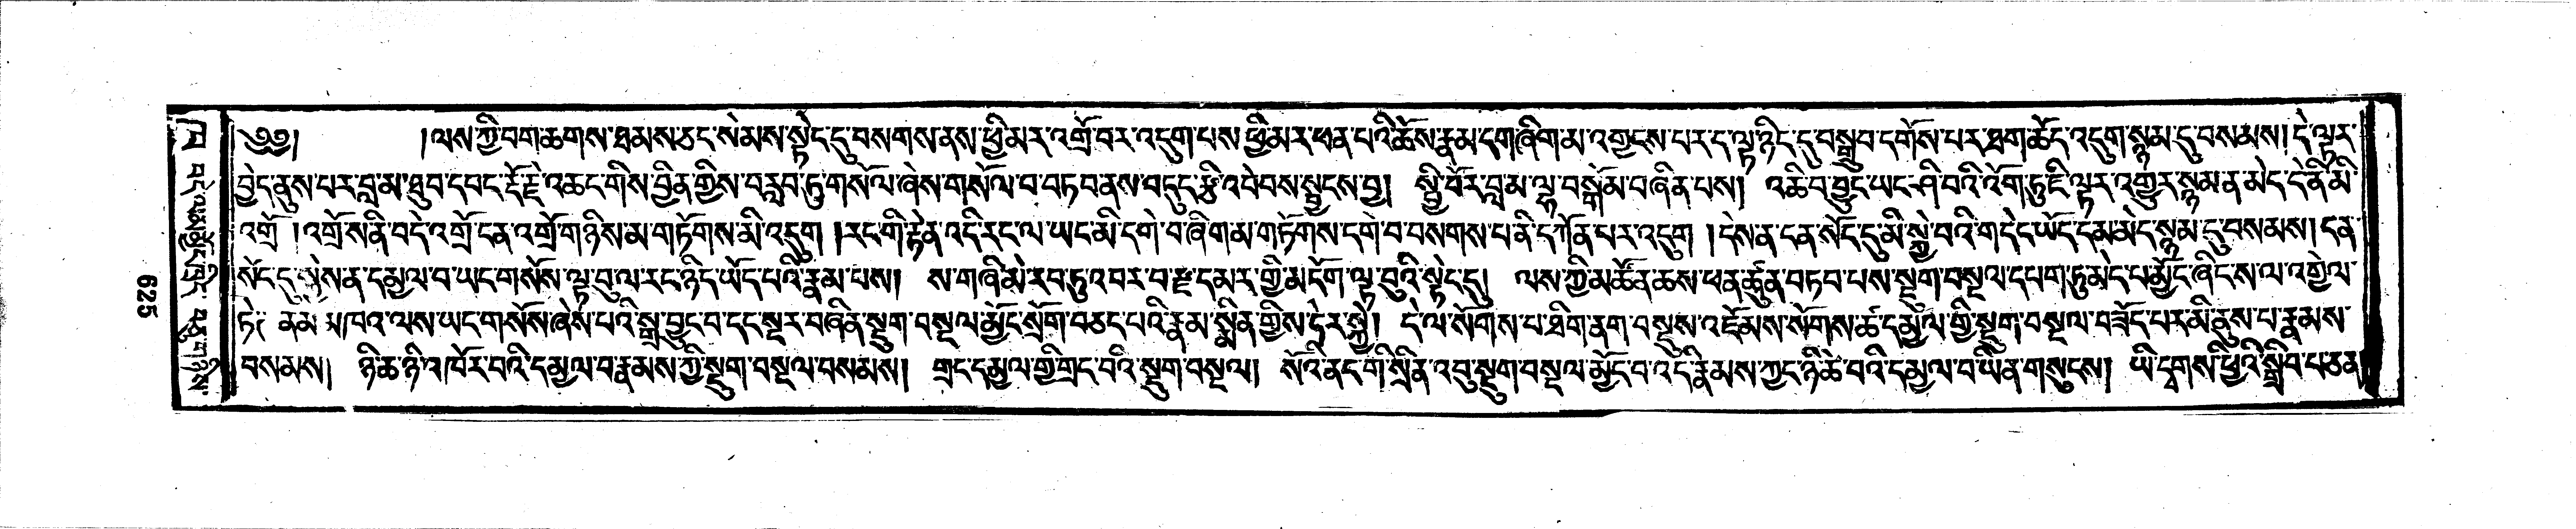༄༅། །ལས་ཀྱི་བག་ཆགས་ཐམས་ཅད་སེམས་སྟེང་དུ་བསགས་ནས་ཕྱི་མར་འགྲོ་བར་འདུག་པས་ཕྱི་མར་ཕན་པའི་ཆོས་རྣམ་དག་ཞིག་མ་འགྱངས་པར་ད་ལྟ་ཉིད་དུ་བསྒྲུབ་དགོས་པར་ཐག་ཆོད་འདུག་སྙམ་དུ་བསམས། དེ་ལྟར་
བྱེད་ནུས་པར་བླ་མ་ཐུབ་དབང་རྡོ་རྗེ་འཆང་གིས་བྱིན་གྱིས་བརླབ་ཏུ་གསོལ་ཞེས་གསོལ་བ་བཏབ་ནས་བདུད་རྩི་འབེབས་སྦྱངས་བྱ། སྦྱི་བོར་བླ་མ་ལྷ་བསྒོམ་བཞིན་པས། འཆི་བ་བྱུང་ཡང་ཤི་བའི་འོག་ཏུ་ཇི་ལྟར་འགྱུར་སྙམ་ན་མེད་དེ་ནི་མི་
འགྲོ་།འགྲོ་ས་ནི་བདེ་འགྲོ་ངན་འགྲོ་གཉིས་མ་གཏོགས་མི་འདུག །རང་གི་རྟེན་འདི་རང་ལ་ཡང་མི་དགེ་བ་ཞིག་མ་གཏོགས་དགེ་བ་བསགས་པ་ནི་དཀོན་པར་འདུག །དེས་ན་ངན་སོང་དུ་མི་སྐྱེ་བའི་གདེང་ཡོད་དམ་མེད་སྙམ་དུ་བསམས། ངན་
སོང་དུ་སྐྱེས་ན་དམྱལ་བ་ཡང་གསོས་ལྟ་བུ་ལ་རང་ཉིད་ཡོད་པའི་རྣམ་པས། ས་གཞི་མེ་རབ་ཏུ་འབར་བ་རྫ་དམར་གྱི་མདོག་ལྟ་བུའི་སྟེང་དུ། ལས་ཀྱི་མཚོན་ཆས་ཕན་ཚུན་བཏབ་པས་སྡུག་བསྔལ་དཔག་ཏུ་མེད་པ་མྱོང་ཞིང་ས་ལ་འགྱེལ་
ཏེ༑ ནམ་མཁའ་ལས་ཡང་གསོས་ཞེས་པའི་སྒྲ་བྱུང་བ་དང་སྔར་བཞིན་སྡུག་བསྔལ་མྱོང་སྲོག་བཅད་པའི་རྣམ་སྨིན་གྱིས་ཏེར་སྐྱེ། དེ་ལ་སོགས་པ་ཐིག་ནག་བསྡུས་འཇོམས་སོགས་ཚ་དམྱལ་གྱི་སྡུག་བསྔལ་བཟོད་པར་མི་ནུས་པ་རྣམས་
བསམས། ཉི་ཆ་ཉི་འཁོར་བའི་དམྱལ་བ་རྣམས་ཀྱི་སྡུག་བསྔལ་བསམས། གྲང་དམྱལ་གྱི་གྲང་བའི་སྡུག་བསྔལ། སོའི་ནང་གི་སྲིན་འབུ་སྡུག་བསྔལ་མྱོང་བ་འདི་རྣམས་ཀྱང་ཉི་ཚེ་བའི་དམྱལ་བ་ཡིན་གསུངས། ཡི་དྭགས་ཕྱིའི་སྒྲིབ་པ་ཅན་